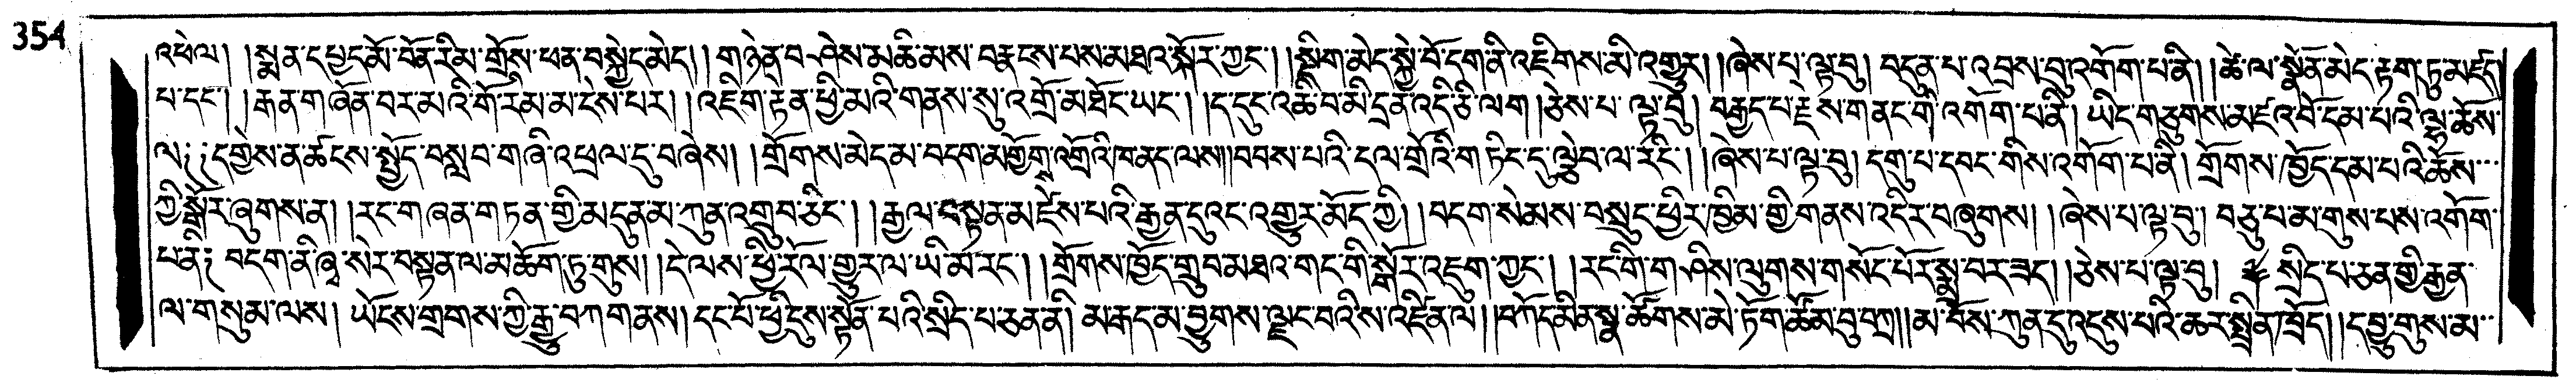འཕེལ། །སྨན་དཔྱད་མོ་བོན་རིམ་གྲོས་ཕན་བསྐྱེད་མེད། །གཉེན་བཤེས་མཆི་མས་བརྣངས་པས་མཐའ་སྐོར་ཀྱང་། །སྡིག་མེད་སྐྱེ་བོ་དག་ནི་འཇིགས་མི་འགྱུར། །ཞེས་པ་ལྟ་བུ། བདུན་པ་འབྲས་བུ་འགོག་པ་ནི། །ཚེ་ལ་སྣོན་མེད་རྟག་ཏུ་མཛད།
པ་དང་། །རྒན་གཞོན་བར་མའི་གོ་རིམ་མ་ངེས་པར། །འཇིག་རྟེན་ཕྱི་མའི་གནས་སུ་འགྲོ་མཐོང་ཡང་། །ད་དུང་འཆི་བ་མི་དྲན་འདི་ཅི་ལག །ཅེས་པ་ལྟ་བུ། །བརྒྱད་པ་རྗེས་གནང་གི་འགོག་པ་ནི། ཡིད་གཅུགས་མཛའ་བོ་དམ་པའི་ལྷ་ཆོས་
ལ༑ ༑དགྱེས་ན་ཚངས་སྤྱོད་བསླབ་གཞི་འཕྲལ་དུ་བཞེས། །གྲོགས་མེད་མ་བདག་མགྱོགས་འགྲོའི་ཁ་ནད་ལས། །བབས་པའི་དལ་གྲོའི་གཏིང་དུ་ལྕེབ་ལ་རིང་། །ཞེས་པ་ལྟ་བུ། དགུ་པ་དབང་གིས་འགོག་པ་ནི། གྲོགས་ཁྱོད་དམ་པའི་ཆོས་
ཀྱི་སྒོར་ཞུགས་ན། །རང་གཞན་གཏན་གྱི་མདུན་མ་ཀུན་འགྲུབ་ཅིང་། །རྒྱལ་བསྟན་མཛེས་པའི་རྒྱན་དུའང་འགྱུར་མོད་ཀྱི། །བདག་སེམས་བསྲུང་ཕྱིར་ཁྱིམ་གྱི་གནས་འདིར་བཞུགས། །ཞེས་པ་ལྟ་བུ། བཅུ་པ་མ་གུས་པས་འགོག་
པ་ནི༑ བདག་ནི་ཞྭ་སེར་བསྟན་ལ་མཆོག་ཏུ་གུས། །དེ་ལས་ཕྱི་རོལ་གྱུར་ལ་ཡི་མ་རང་། །གྲོགས་ཁྱོད་གྲུབ་མཐའ་གང་གི་སྒོར་འཇུག་ཀྱང་། །རང་གི་གཤིས་ལུགས་གསོང་པོར་སྨྲ་བར་ཟད། །ཅེས་པ་ལྟ་བུ། འ་སྲིད་པ་ཅན་གྱི་རྒྱན་
ལ་གསུམ་པས། ཡོངས་གྲགས་ཀྱི་རྒྱུ་བཀག་ནས། དང་པོ་ཕྱི་དུས་སྟོན་པའི་སྲིད་པ་ཅན་ནི། །མ་རྒད་མ་བྱུགས་ལྷངས་བའི་འཛིན་ལ། །བཀོད་མིན་སྣ་ཚོགས་མེ་ཏོག་ཚོམ་བུ་བཀྲ། མ་བོས་དུ་འདུས་པའི་ཆར་སྤྲིན་ཁྲོད། །དབྱུ་གུས་མ་